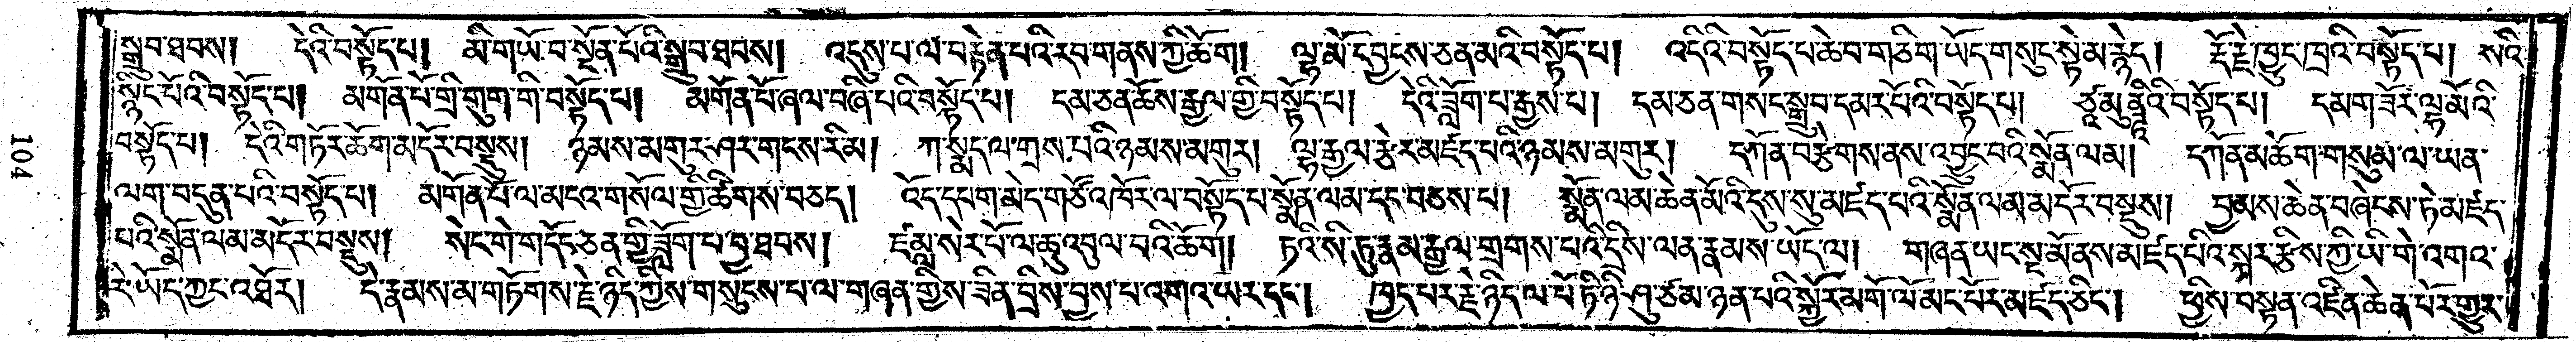སྒྲུབ་ཐབས། དེའི་བསྟོད་པ། མི་གཡོ་བ་སྔོན་པོའི་སྒྲུབ་ཐབས། འདུས་པ་ལ་བརྟེན་པའི་རབ་གནས་ཀྱི་ཆོ་ག། ལྷ་མོ་དབྱངས་ཅན་མའི་བསྟོད་པ། འདིའི་བསྟོད་པ་ཆེ་བ་གཅིག་ཡོད་གསུང་སྟེ་མ་རྙེད། རྡོ་རྗེ་ཁྱུང་ཁྲའི་བསྟོད་པ། སའི་
སྙིང་པོའི་བསྟོད་པ། མགོན་པོ་གྲི་གུག་གི་བསྟོད་པ། མགོན་པོ་ཞལ་བཞི་པའི་བསྟོད་པ། དམ་ཅན་ཆོས་རྒྱལ་གྱི་བསྟོད་པ། དེའི་ཟློག་པ་རྒྱས་པ། དམ་ཅན་གསང་སྒྲུབ་དམར་པོའི་བསྟོད་པ། ཙཱ་མུནྜཱིའི་བསྟོད་པ། དམག་ཟོར་ལྷ་མོའི་
བསྟོད་པ། དེའི་གཏོར་ཆོག་མདོར་བསྡུས། ཉམས་མགུར་ཤར་གངས་རི་མ། ཀ་སྨད་ལ་གྲས་པའི་ཉམས་མགུར། ལྷ་རྒྱལ་རྩེར་མཛད་པའི་ཉམས་མགུར། དཀོན་བརྩེགས་ནས་འབྱུང་བའི་སྨོན་ལམ། དཀོན་མཆོག་གསུམ་ལ་ཡན་
ལག་བདུན་པའི་བསྟོད་པ། མགོན་པོ་ལ་མངའ་གསོལ་གྱི་ཚིགས་བཅད། འོད་དཔག་མེད་གཙོ་འཁོར་ལ་བསྟོད་པ་སྨོན་ལམ་དང་བཅས་པ། སྨོན་ལམ་ཆེན་མོའི་དུས་སུ་མཛད་པའི་སྨོན་ལམ་མདོར་བསྡུས། བྱམས་ཆེན་བཞེངས་ཏེ་མཛད་
པའི་སྨོན་ལམ་མདོར་བསྡུས། སེང་གེ་གདོང་ཅན་གྱི་ཟློག་པ་བྱ་ཐབས། ཛམ་ལ་སེར་པོ་ལ་ཆུ་འབུལ་བའི་ཆོག། ཏའི་སི་ཏུ་རྣམ་རྒྱལ་གྲགས་པའི་དྲིས་ལན་རྣམས་ཡོད་ལ། གཞན་ཡང་སྔ་མོ་ནས་མཛད་པའི་སྐར་རྩིས་ཀྱི་ཡི་གེ་འགའ་
རེ་ཡོད་ཀྱང་འཐོར། དེ་རྣམས་མ་གཏོགས་རྗེ་ཉིད་ཀྱིས་གསུངས་པ་ལ་གཞན་གྱིས་ཟིན་བྲིས་བྱས་པ་འགའ་ཡར་དང་། ཁྱད་པར་རྗེ་ཉིད་ལ་པོ་ཏི་ཉི་ཤུ་ཙམ་ཉན་པའི་སྐྱོར་མགོ་ལོ་མང་པོར་མཛད་ཅིང་། ཕྱིས་བསྟན་འཛིན་ཆེན་པོར་གྱུར་